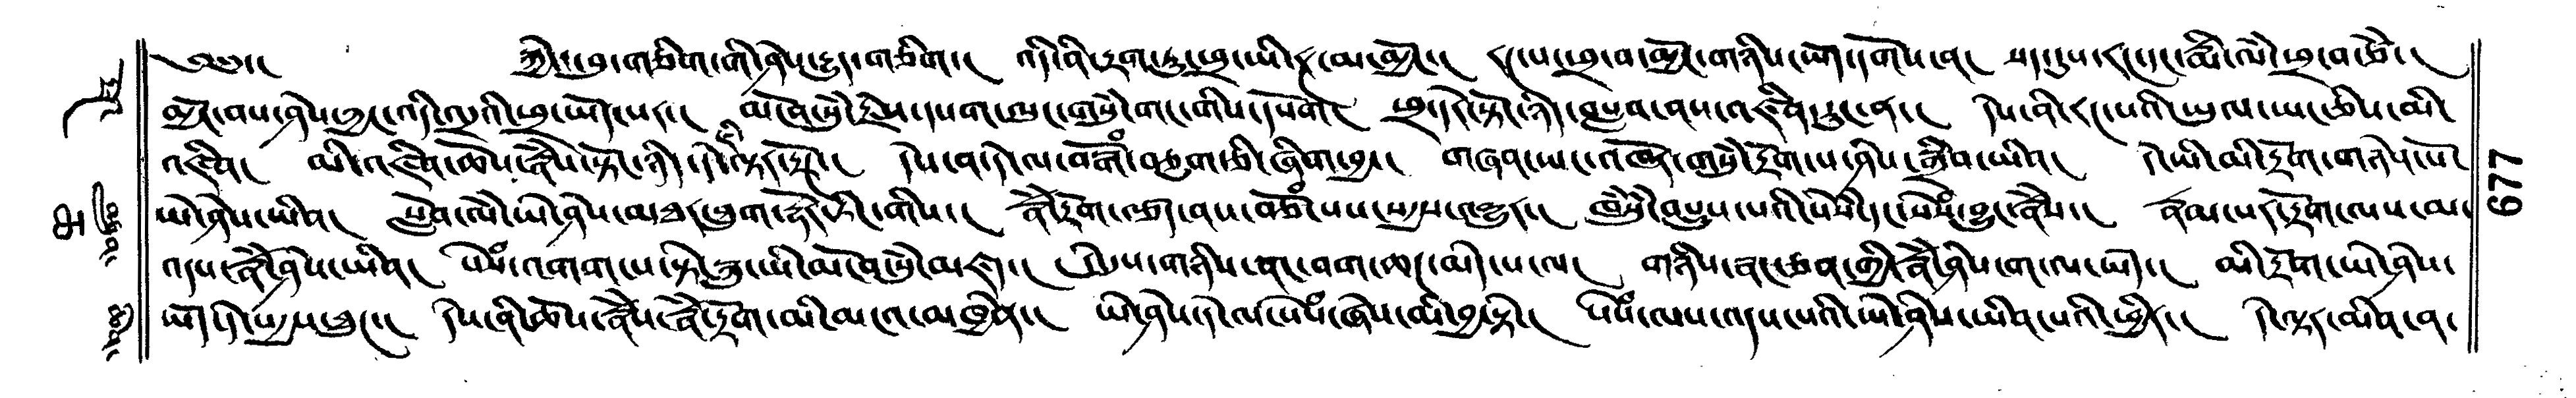སྐྱེས་བུ་གཅིག་གི་ཤེས་རྒྱུད་གཅིག འདི་ནི་རྟག་ཏུ་ཕྲ་ཡི་རགས་མ་མྱོང་། །རགས་པ་ཕྲ་བ་མྱོང་གཉིས་ཡོད་དགོས་ན། །སད་དུས་རགས་དང་རྨི་ལམ་ཕྲ་བ་ཙམ། །
མྱོང་བས་ཤེས་ཀྱང་འདི་འདྲའི་ཕྲ་ཡོད་པར། །མངོན་སུམ་རྗེས་དཔག་ལུང་གསུམ་གང་གིས་དཔོག ཕྲ་དེར་སྟོང་ཉིད་བསླབ་ནས་འཛིན་རུང་ན། །དེས་ནི་རགས་པའི་ཡུལ་ཡང་ཅིས་མི་
འཛིན། །མི་འཛིན་ཆོས་རྣམས་སྟོང་ཉིད་ཇི་ལྟར་རྟོགས། །དེས་ན་དེ་ལ་བསྒོམ་བཅུག་ཅི་ཞིག་བྱ། །གཞན་ཡང་འཁོར་གསུམ་རྟོག་པ་ཤེས་སྒྲིབ་ཡིན། །དེ་ཡི་མི་རྟོག་གཉེན་པོ་
ཡེ་ཤེས་ཡིན། །སློབ་ལམ་ཡེ་ཤེས་མཐར་ཐུག་རྡོར་ཏིང་གིས། །རྣམ་རྟོག་རྩད་ནས་བཅོམ་པས་སངས་རྒྱས་འགྱུར། །ཁམས་སུམ་བསྡུས་པའི་སེམས་དང་སེམས་བྱུང་རྣམས།རྣམ་པར་རྟོག་ལས་མ་
འདས་རྣམ་ཤེས་ཡིན། །སེམས་འགག་པ་སྟེ་སྐུ་ཡི་མངོན་སུམ་མཛད། །དེ་དུས་གཉིས་སྣང་བག་ཆགས་མེད་པ་ལ། །གཉིས་སྣང་ཅན་གྱི་རྣམ་ཤེས་ག་ལ་ཡོད། །མི་རྟོག་ཡེ་ཤེས་
ཡོད་དེ་སངས་རྒྱས་ཐུགས། །དེས་ནི་ཆོས་རྣམས་རྣམ་རྟོག་མི་མངའ་མཁྱེན། །ཡེ་ཤེས་དེ་ལ་སེམས་ཞེས་མི་བྱ་སྟེ། །སེམས་ལས་འདས་པའི་ཡེ་ཤེས་ཡིན་པའི་ཕྱིར། །དེ་ལྟར་མིན་ན་